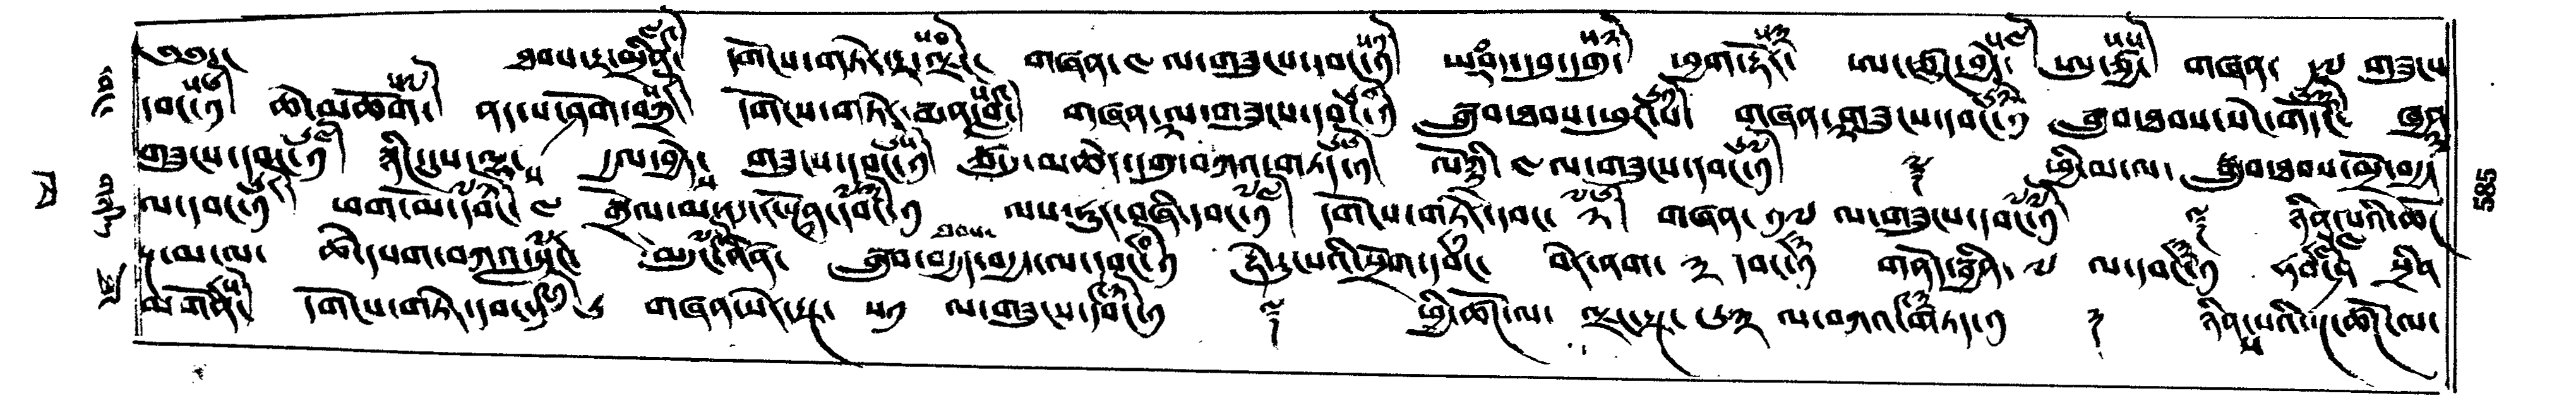ཐབས་རྟ་མགྲིན་༤༩༽ དགོངས་གཏེར་རྟ་ལྗང་༥༠།༽ གཞན་༤ ལ་གཟུངས་དབང་༡༥༡༽ ཡང་དགུ་དབུ་དགུ་༥༢༽ ཕྱག་རྡོར་༥༣༽ ཨཾ་ཙུགས་བྱེད།༥༤༽ཨུ་ཙ་ཡ།༥༥༽གཞན་ ༧ གཟུངས་
དབང་༡༥༦༽ ཆེ་མཆོག༥༧༽ ནད་པ་ཤོག་བཀྲ།༥༨༽ དགོངས་གཏེར་སྨན་བླ།༥༩༽ གཞན་༢ལ་གཟུངས་དབང་༡༦༠༽ སྒྲུབ་ཐབས་ཕུར་པ།༦༡༽ གཞན་༢གཟུངས་དབང་༡༦༢༽ སྒྲུབ་ཐབས་སེང་གདོང་༦༣༽ གཞན་༢
གཟུངས་དབང་༡༦༤༽སྙིགས་དུས་ལྷ་༥། རྒྱལ་བྱེད་༥། གཟུངས་དབང་༡༦༥༽ ཙ་དུ་མཆེད་དགུ་བཀའ་གཏད་༡༦༦༽ ལོཀྟྲི་༤ལ་གཟུངས་དབང་༦༧༽ ༈ ཕྱི་མ་ལ། སྒྲུབ་ཐབས་མཁའ་འགྲོ་བརྒྱད་
ལ་དབང་༡༦༨༽ ཕག་མོ་དབང་༧༢ ༤ སྒྲོལ་མ་དཀར་སྔོན་དབང་༡༧༣༽ ཐབས། ལས་ཧུར་བཞི་དབང་༡༧༤༽ དགོངས་གཏེར་དབང་ ༢༧༦༽གཞན་༡༧་ལ་གཟུངས་དབང་༡༧༧༽ ༈ ཉིན་༤པའི་ཚོགས་ལྔ་
མ་ལ། ཚེ་དཔག་བཀའ་སྲུང་༧༨༽ མདུང་འཛིན།༧༩ སྒྲུབ་བརྒྱད་བརྒྱད་ལ་དབང་༡༨༠། ཧེ་རུ་པའི་སྲོག་དབང་༨༡། བེར་ནག ༣ དབང་༡༨༣༽ གནོད་སྦྱིན་ ༧ ལ་དབང་༡༨༣། ཧབ་ཤ་༨༤ སྲིན་
མགོན་༨༥༽ དགོངས་གཏེར་དབང་༩༡ ༧ གཞན་སེར་རྟགས། ༥༡ ལ་གཟུངས་དབང་༡༩༢། ༈ ཕྱི་ཚོགས་ལ། ལྗང་རྟགས་༦༣ ལ་བཀའ་གཏད་༡༩༣ ༈ ཉིན་༥པའི་སྔ་ཚོགས་ལ་